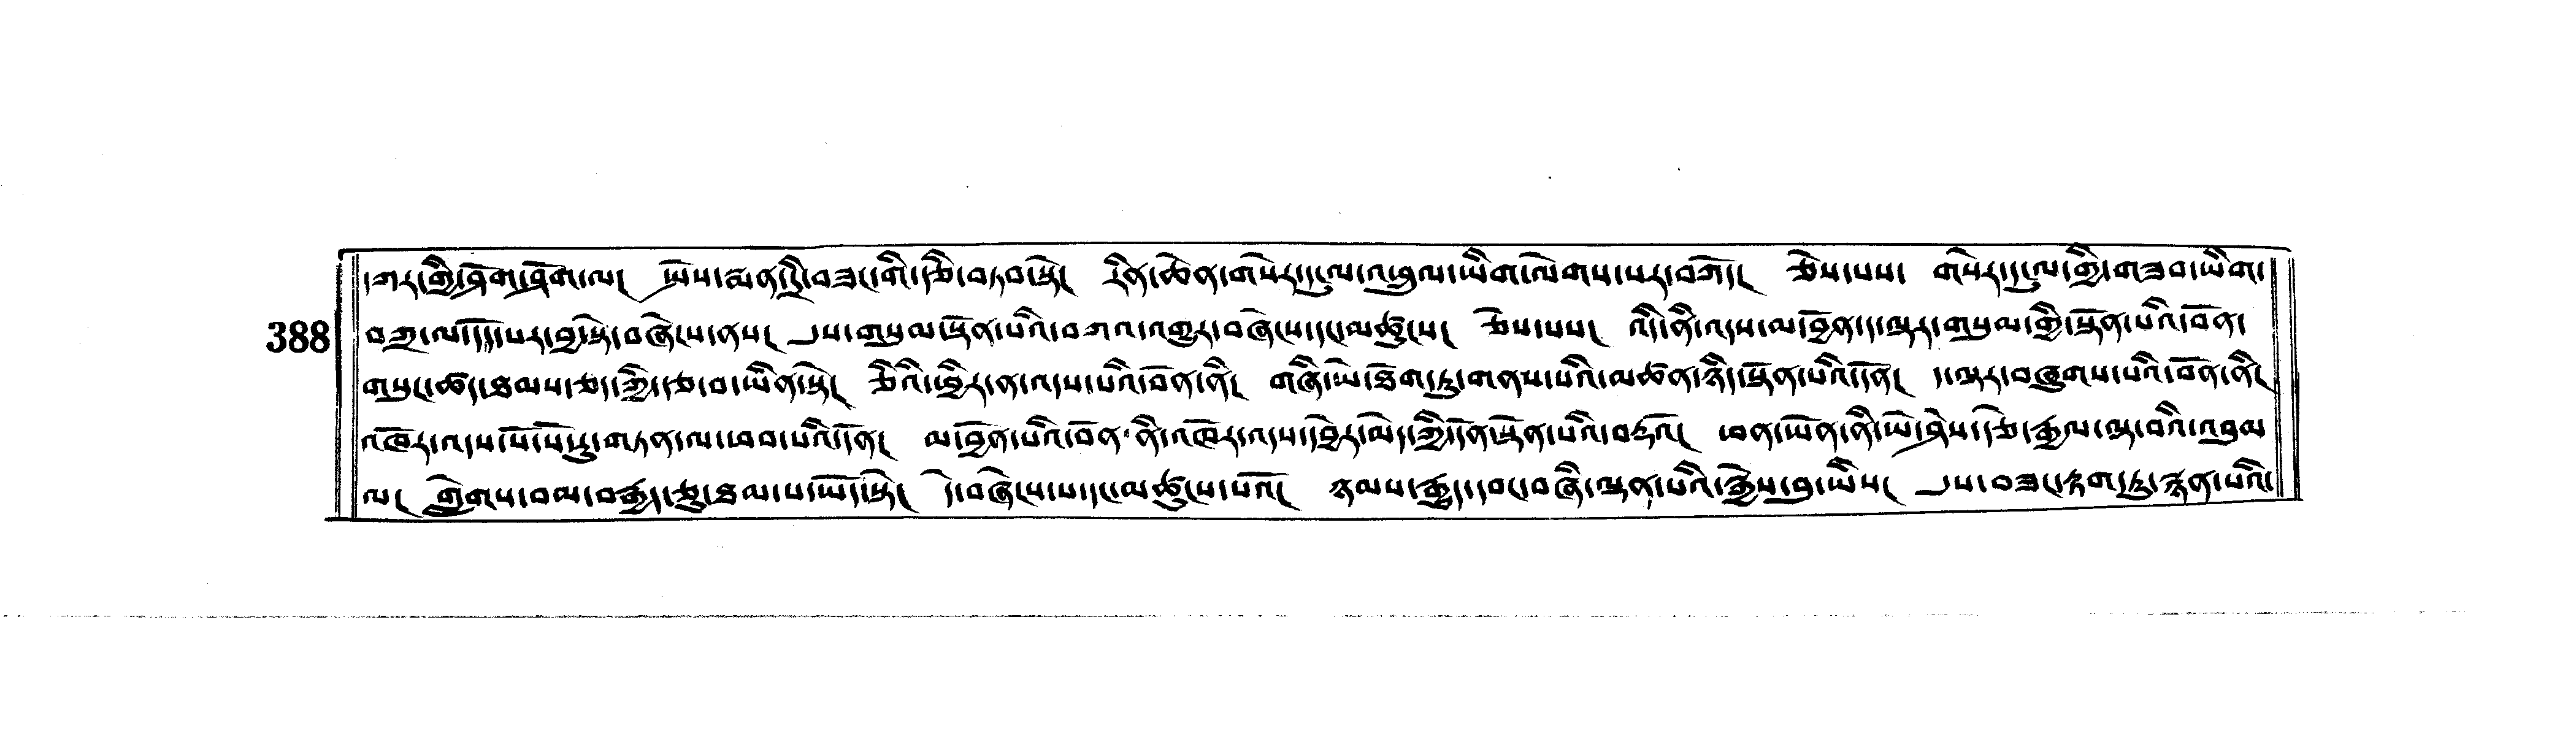དཀར་གྱི་ཤོག་ཤོག་ལ། སྤོས་སྨན་དྲི་བཟང་གི་རྩི་བཏབ་སྟེ། རིན་ཆེན་གསེར་དངུལ་འཕྲུལ་ཡིག་ལེགས་པར་བཀོད། ཅེས་པས། གསེར་དངུལ་གྱི་གཟབ་ཡིག་
བཀྲ་ལ་དོད་པར་བྱས་ཏེ་བཞེངས་ནས། དུས་གསུམ་སྟོན་པའི་བཀའ་འགྱུར་བཞེངས་དང་མཚུངས། འདི་ནི་འདས་མ་བྱོན་ད་ལྟར་གསུམ་གྱི་སྟོན་པའི་བོན་
གསུངས་ཚད་ཐམས་ཅད་ཀྱི་རྩ་བ་ཡིན་ཏེ། ཅིའི་ཕྱིར་ན་འདས་པའི་བོན་ནི། གཞི་ཡེ་ཐོག་ཏུ་གནས་པའི་མཚན་ཉིད་སྟོན་པའི་དོིན། ད་ལྟར་བཞུགས་པའི་བོན་ནི། 
འཁོར་འདས་སོ་སོ་རུ་གཏན་ལ་ཕབ་པའི་དོན། མ་བྱོན་པའི་བོན་ནི་འཁོར་འདས་དབྱེར་མེད་ཀྱི་དོན་སྟོན་པའི་བརྡའོ། ཕན་ཡོན་ནི། ཡེ་ཤེས་རྩེ་རྒྱལ་ལྟ་བའི་འབུམ་
ལས། གླེགས་བམ་བརྒྱད་ཅུ་ཐམ་པ་ཡོད་དེ། དེ་བཞེངས་པ་དང་མཚུངས་པའོ། ཉམས་རྒྱུད་དབང་བཞི་ལྡན་པའི་སྐྱེས་བུ་ཡིས། དུས་བཟང་རྟག་ཏུ་སྙན་པའི་